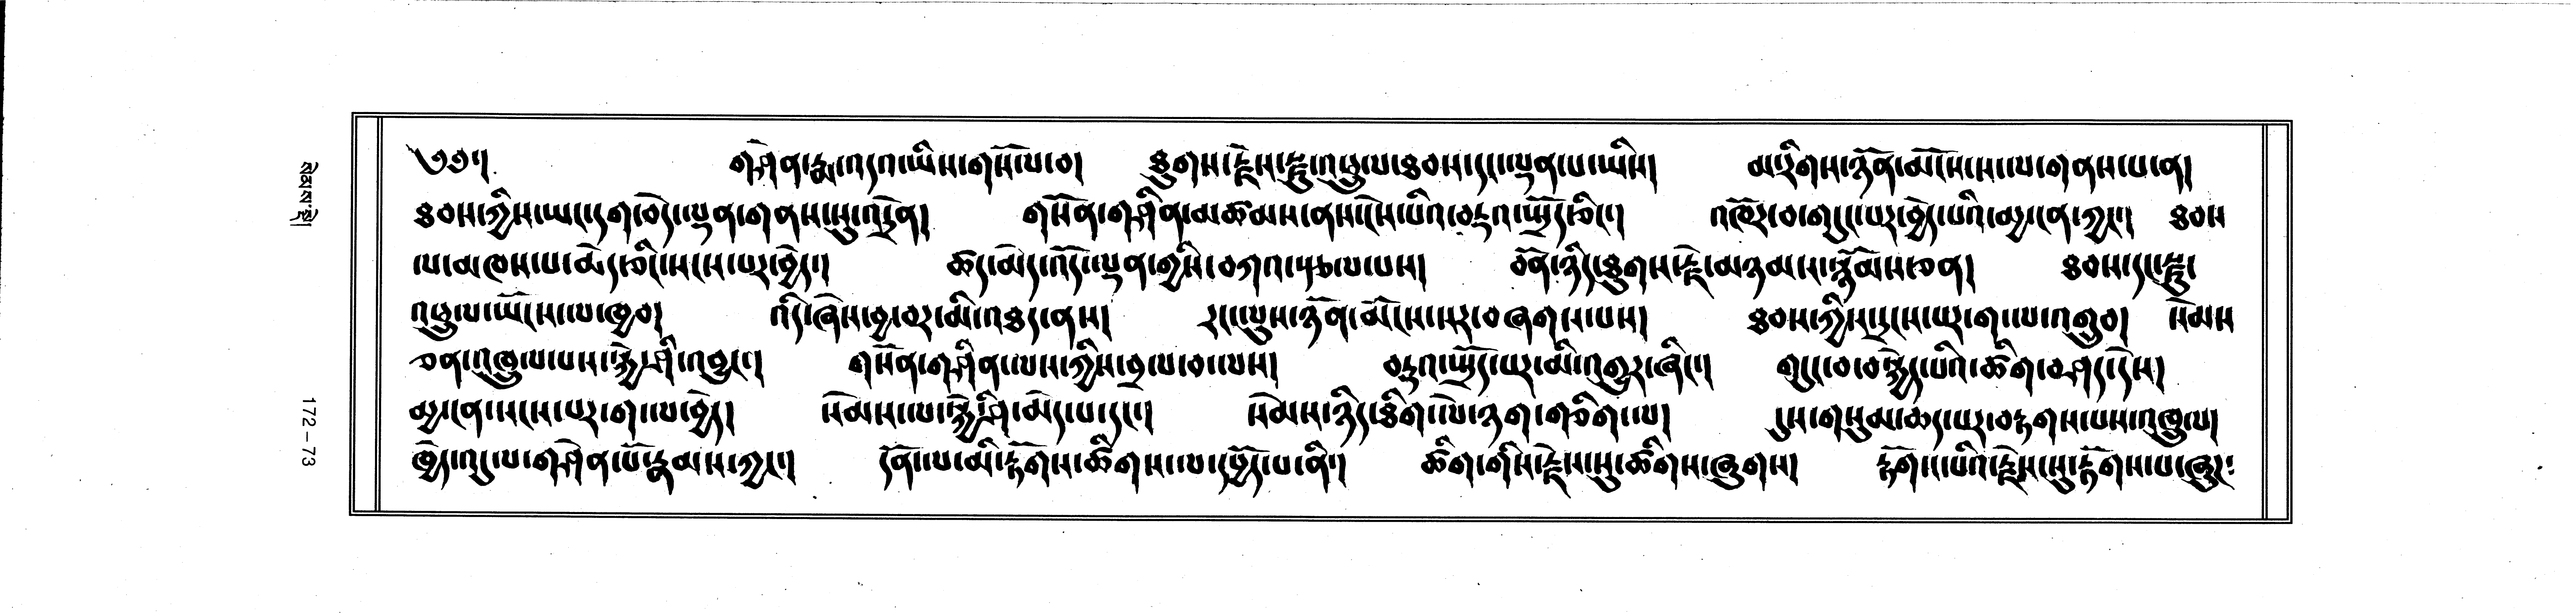གཤེན་རྨ་འདའ་ཡིས་གསོལ་བ། ཐུགས་རྗེས་རྫུ་འཕྲུལ་ཐབས་དང་ལྡན་པ་ཡིས། མ་རིགས་ཉོན་མོངས་ས་ལ་གནས་པ་ན། 
ཐབས་ཀྱིས་ཡང་དག་བདེ་ལྡན་གནས་སུ་འདྲེན། གསོན་གཤིན་མཚམས་ནས་ངེས་པའི་བརྡའ་སྤྲོད་ཅིང་། འཁོར་བ་གདུང་པར་བྱེད་པའི་མྱ་ངན་ཀྱང་། ཐབས་
ལ་མཁས་པ་མེད་ཅིང་སངས་པར་བྱེད། ཚད་མེད་འོད་ལྡན་གྱིས་བཀའ་སྩལ་པས། བོན་ཉིད་ཐུགས་རྗེ་མཉམས་སྙོམས་ཅན། ཐབས་དང་རྫུ་
འཕྲུལ་་ཡོངས་ལ་ཁྱབ། འདི་ཞེས་བྱ་བར་མི་འཐད་ནས། རང་ལུས་ཉོན་མོངས་སར་བཞགས་པས། ཐབས་ཀྱིས་དྲངས་པར་ག་ལ་འགྲུབ། སེམས་
ཅན་འཁྲུལ་པས་སྐྱེ་ཤི་འབྱུང་། གསོན་གཤིན་ལས་ཀྱིས་བྲལ་བ་ལས། བརྡའ་སྤྲོད་པར་མི་འགྱུར་ཞིང་། གདུང་བ་བསྐྱེད་པའི་ཚིག་བཤད་དེས། 
མྱ་ངན་སངས་པར་ག་ལ་བྱེད། སེམས་ལ་སྐྱེ་ཤི་མེད་པ་དང་། སེམས་ཉིད་ཐིག་ལེ་ཉག་གཅིག་ལ། དུས་གསུམ་ཆད་པར་བརྟགས་པས་འཁྲུལ། 
ཁྱེད་འདུལ་གཤེན་པོ་རྣམས་ཀྱང་། དོན་ལ་མི་རྟོགས་ཚིགས་ལ་དཔྱོད་པ་ནི། ཚིག་གིས་རྗེས་སུ་ཚིགས་ཞུགས། རྟོགས་པའི་རྗེས་སུ་རྟོགས་པ་ཞུགས་